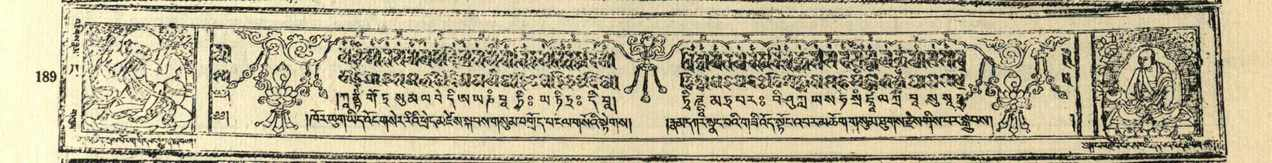༄༅། །ཀཱ་ནྟཾ་གོ་ཏྲ་སུ་མ་ལ་བེ་དི་ཨ་ཡ་ཎཾ་བཱ་ཏི་H ཡ་ཏི་ཏྲཿ དི་བཱ། ཏྭི་ཌྡྷཱ་མ་ཏྲ་པརཿ བི་ཤུ་ཀླ་ཡས་ཧེ་སྲཾ་ཛྭཱ་ལ་ཀྲྀ་པཱ་སུ་སཱ་
༄༅། །ཁོར་ཡུག་ཡིད་འོང་གསེར་རིའི་ཕྲེང་མཛེས་སྐབས་གསུམ་བགྲོད་པ་ངལ་གསོའི་སྟེགས། །རྣམ་དཀར་སྣང་བའི་གཟི་འོད་སྟོང་འབར་མཆོག་གསུམ་ཐུགས་རྗེས་ཤིས་པར་སྒྲུབས།